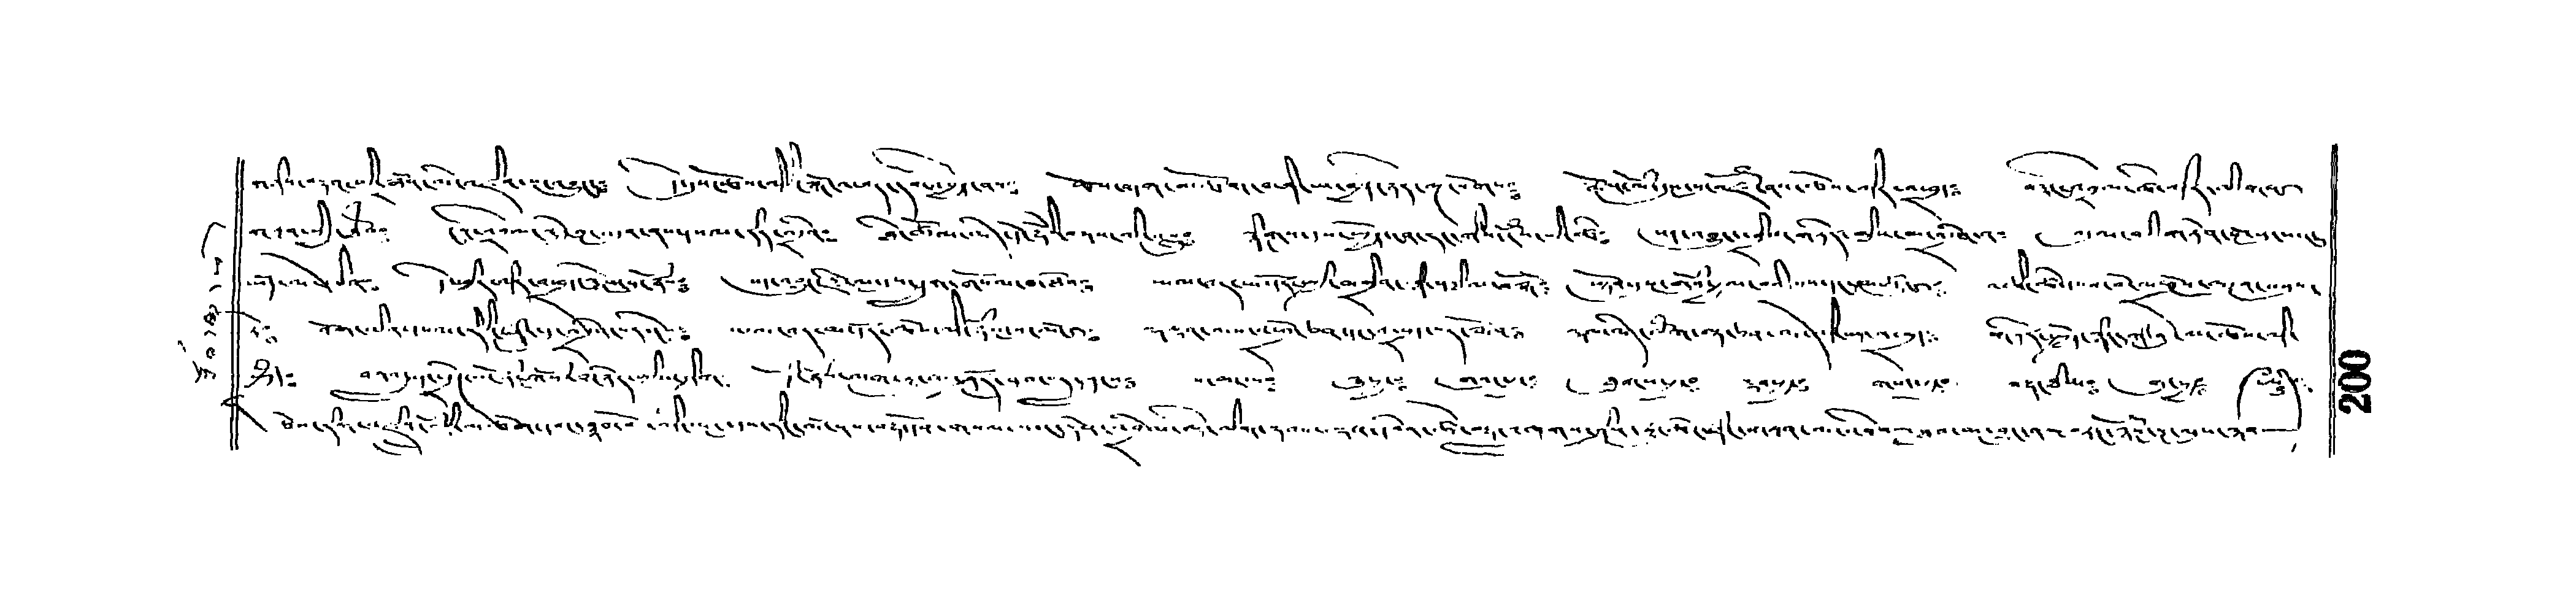གཉིས་བསྟན་པའི་སྒྲོན་མེ་འཇིན་པ་འབྱུང༔ དེ་དུས་ཆོས་འདིའི་སྒོ་འཕར་རབ་འབྱེད་ནས༔ ཆོས་བདག་མཆོག་བཞི་ཡ་བརྒྱད་ཉེར་ལྔ་སོགས༔ སྨོན་ལམ་དུས་སུ་འཛོམས་ནས་ཆོས་འདིར་འཕྲད༔ བཟང་འབྲེལ་ཚེ་འདིར་མི་གནས་
གཏན་སྲིད་འཐོབ༔ ངན་འབྲེལ་སྐྱེ་བ་བདུན་ནས་དཔལ་རིར་འདྲེན༔ ཐེ་ཚོམ་མེད་དོ་རྡོ་རྗེའི་བཀས་མི་བསླུ༔ སྙིགས་དུས་སྤྱོད་ངན་རང་གིས་ངོམ་པའི་ཚེ༔ པད་འབྱུང་ཕྲིན་ལས་གཏེར་གྱི་མ་འདྲེན་ན༔ འདུལ་བའི་གཉེན་པོ་སུ་ཡང་
ཡོད་མ་ཡིན༔ དེ་ཕྱིར་འདིར་འཕྲད་སྐྱེས་བུ་རྣམས༔ པད་འབྱུང་རྗེ་ལ་དུས་དྲུག་གསོལ་བ་ཐོབ༔ ཡལ་བར་མ་དོར་སྤྱི་མགྲིན་སྙིང་དཀྱིལ་སྒོམས༔ ཡོན་ཏན་དུས་གསུམ་རྒྱལ་བའི་སྲས་དང་མཚུངས༔ འཆི་ཚེ་དཔའ་བོ་མཁའ་འགྲོས་མདུན་བསུས་
ཏེ༔ འོག་མིན་དཔལ་རིའི་ཞིང་དུ་འདྲེན་པར་ངེས༔ ཡལ་བར་མ་དོར་ཆོས་འདི་ཉམས་སུ་ལོངས༔ སྐལ་ལྡན་ལས་འཕྲོ་ཅན་དང་འཕྲད་པར་སྨོན༔ སྐལ་མེད་ལོག་ལྟ་ཅན་ལ་འདི་མ་འཕྲད༔ གཏེར་སྤྱོད་སྙིང་གི་བུ་ལ་ཆོས་འདི་
སྤྲོད༔ བཀའ་སྲུང་དྲེགས་པ་རྣམ་གསུམ་གཉེར་གྱིས་ཤིག༔དམ་ཉམས་ལག་ཏུ་མ་ཤོར་ཐུབ་པར་སྲུངས༔ ས་མ་ཡ༔ སྐུ་རྒྱ༔ གསུང་རྒྱ༔ ཐུགས་རྒྱ༔ ཟབ་རྒྱ༔ གསང་རྒྱ༔ བརྡ་ཐིམ༔ གུ་ཧྱ༔ ༔ 
ཅེས་རིག་འཛིན་བླ་མའི་མཆོག་དབང་ཟབ་མོ་འདི་ཡང་དུས་རིང་མོ་ནས་བརྡ་དོན་གསལ་ཡང་རྟེན་འབྲེལ་ལྡེ་མིག་སྐབས་ལྡན་དབེན་ཚེ་བརྡ་འཁྲུགས་ཤིན་ཏུ་ཆེ་ཞིང་གཏན་ལ་འབེབས་ཐུབ་མ་བྱུང་ནས་བཏང་སྙོམས་སུ་ལུས་སྐབས་